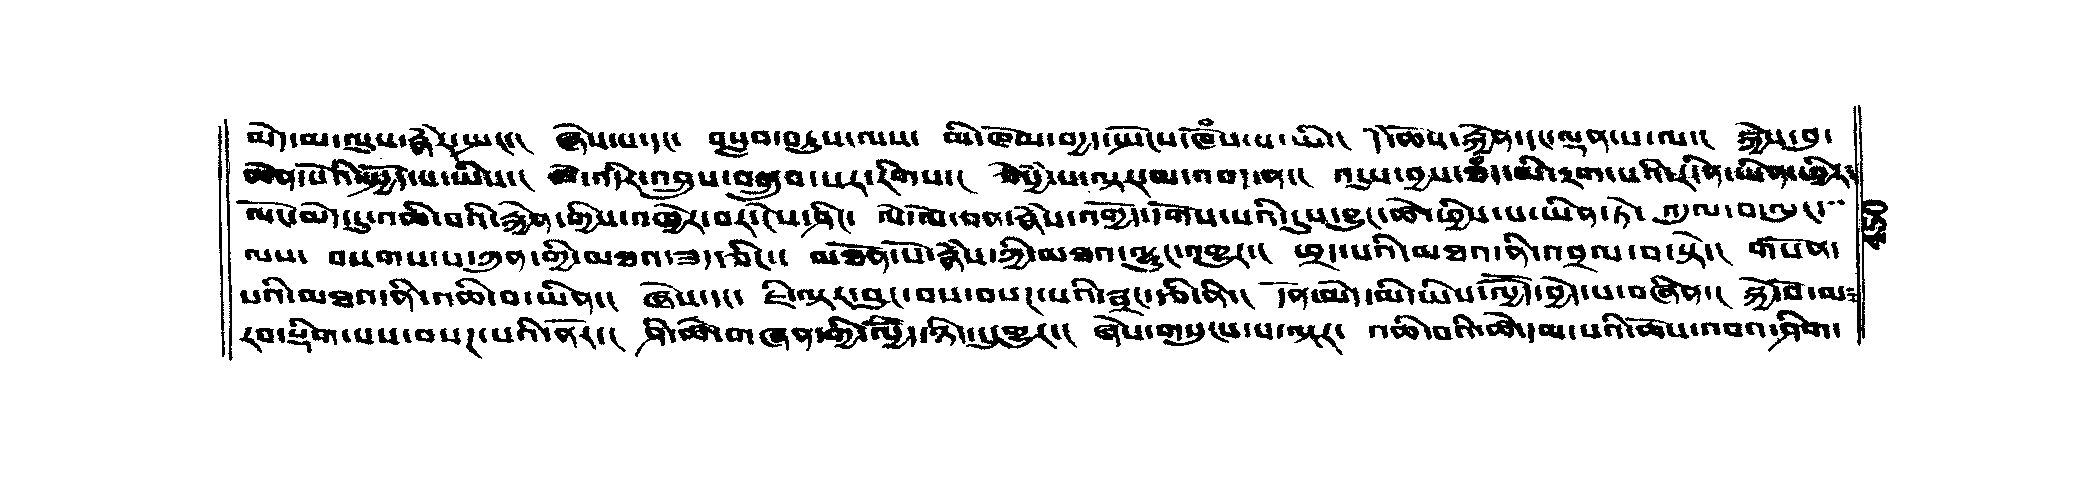མེད་མ་ལུས་རྣམ་པར་སྤང་། ཞེས་པ་དང་། བསླབ་བཏུས་ལས། མི་ཁོམས་བརྒྱད་སྤོངས་ཁོམས་པ་ཡི། དམ་ཆོས་རྐྱེན་དང་ལྡན་པ་ལགས། །སྐྱེས་བུ་
ཆེན་པོའི་སྤྱོད་པ་ཡིས། །ཚེ་འདིར་འབྲས་བུ་བསྒྲུབ་པར་རིགས།ཅེས་གསུངས་པ་ལྟར་མ་འབད་ན། འདུས་བྱས་ཐམས་ཅད་མི་རྟག་པའི་རང་བཞིན་ཡིན་ཕྱིར་
ལོང་མེད་དུ་འཆི་བའི་རྐྱེན་གྱིས་འཁྱེར་བར་ངེས་ཤིང་། ལེ་ལོ་ཅན་རྣམས་འགྱོད་དགོས་པའི་དུས་བྱུང་ཚེ་ཕྱིས་པ་ཡིན་ཏེ། འདུལ་བ་ལུང་
ལས། བསགས་པ་ཀུན་གྱི་མཐའ་ཟད་ཅིང་། །མཐོན་པོ་རྣམས་ཀྱི་མཐའ་ལྷུང་འགྱུར། །ཕྲད་པའི་མཐའ་ནི་བྲལ་བ་སྟེ། །གསོན་
པའི་མཐའ་ནི་འཆི་བ་ཡིན། །ཞེས་དང་། ཇི་ལྟར་བུང་བས་བསགས་པའི་སྦྲང་རྩི་ནི། །དོན་མེད་མི་ཡིས་དལ་འབྱོར་བྱེད་པ་བཞིན། །སྐྱེས་བུ་མ་
རབ་སྡིག་པས་བསགས་པའི་ལནོར། །ཤི་ཚེ་གཞན་གྱི་ལོངས་སྤྱོད་ཉིད་དུ་གྱུར། །ཞེས་གསུངས་པ་ལྟར་འཆི་བའི་ཚེ་དམ་ཆོས་པའི་འབའ་ཤིག་